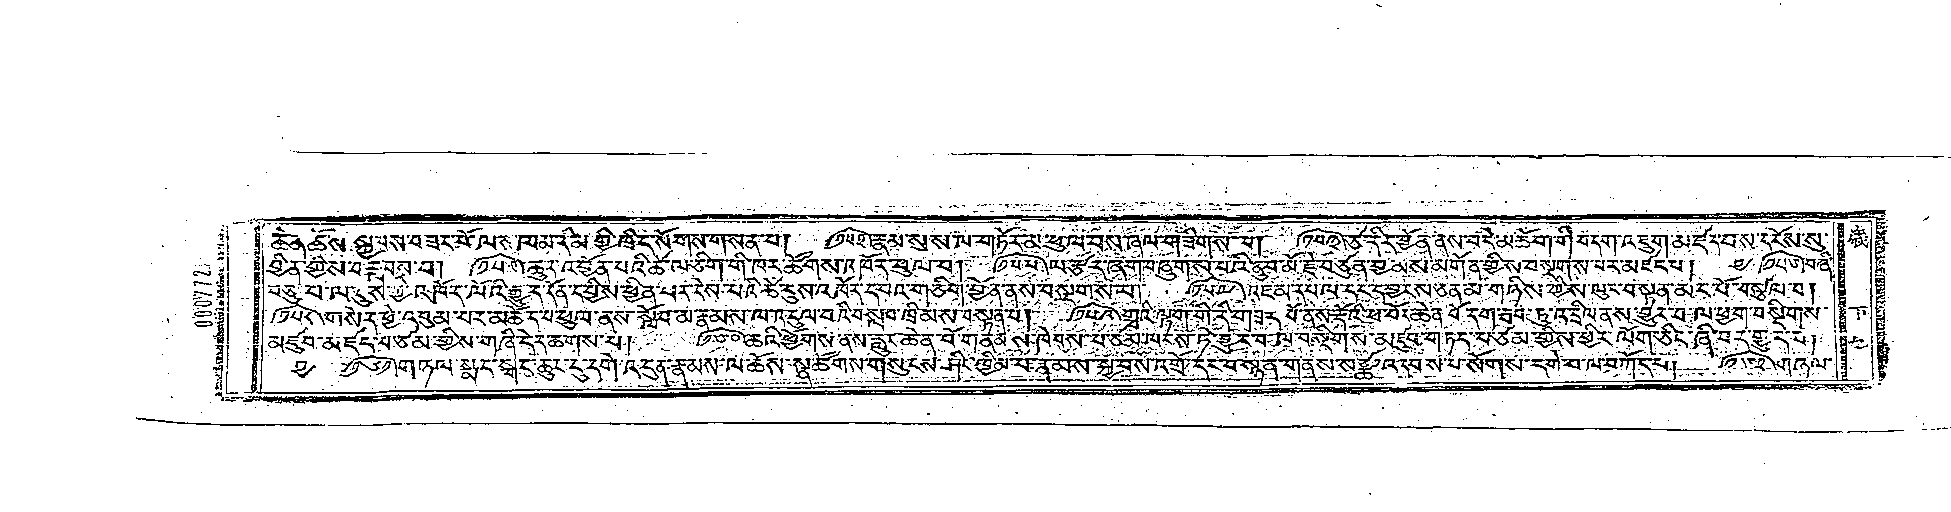ཆེན་ཆོས་སྐྱབས་བཟང་བོ་ལས་ལམ་རིམ་གྱི་ཁྲིད་སོགས་གསན་པ། ༼༡༥༢?་རྣམ་སྲས་ལ་གཏོར་མ་ཕུལ་བས་ཞལ་གཟིགས་པ། ༽༡༥༣?་ཙ་རིང་བྱོན་ནས་བདེ་མཆོག་གི་བདག་འཇུག་མཛད་བས་དངོས་སུ་
བྱིན་གྱིས་བརླབས་བ། ༼༡༥༤?་ཆུར་འབྱོན་པའི་ཚེ་ལ་ཅིག་གི་ཁར་ཚོགས་འཁོར་ཕུལ་བ། ༽༡༥༥?་ལ་རྩར་ཞག་བཞུགས་པའི་ནུབ་མོ་རྗེ་བཙུན་བྱམས་མགོན་གྱིས་བསྔགས་པར་མཛད་པ། ༧ ༡༥༦?་བཞི་
བཅུ་པ་ལ་དུས་ཀྱི་འཁོར་ལོའི་རྒྱུད་དོན་དཔྱིས་ཕྱིན་པར་ངེས་པའི་ཚེ་དུས་འཁོར་དཔའ་གཅིག་བྱོན་ནས་བསྔགས་པ། ༡༥༧?་འཇམ་དཔལ་དང་དབྱངས་ཅན་མ་གཉིས་ཀྱིས་ལུང་བསྟན་མང་པོ་བསྩལ་བ།
༼༡༥༨?་གསེར་ཕྱེ་འབུམ་པར་མཆོད་པ་ཕུལ་ནས་སློབ་མ་རྣམས་ལ་འདུལ་བའི་བསླབ་ཁྲིམས་བསྟན་པ། ༽༡༥༩?་གྲྭའི་ལྟག་གི་རི་གཟར་པོ་ནས་རྡོའི་ཕ་བོར་ཆེན་པོ་དག་རྦབ་ཏུ་འདྲིལ་ནས་བྱུང་བ་ལ་ཕྱག་བསྡིགས་
མཛུབ་མཛད་པ་ཙམ་གྱིས་གཞི་དེར་ཆགས་པ། ༡༦༠?་ཆའི་ཕྱོགས་ནས་རླུང་ཆེན་པོ་གནམ་ས་ཁེབས་པ་ཙམ་ལངས་ཏེ་བྱུང་བ་ལ་བསྡིགས་མཛུབ་གཏད་པ་ཙམ་གྱིས་ཕྱིར་ལོག་ཅིང་ཞི་བར་གྱུར་པ།
༧ ༼༡༦༡?་གཉལ་སྨད་སྒང་ཆུང་དུ་དགེ་འདུན་རྣམས་ལ་ཆོས་སྣ་ཚོགས་གསུངས་ཤིང་ཁྱིམ་པ་རྣམས་སྐྱབས་འགྲོ་དང་བསྙན་གནས་སཙྪ་འདབས་པ་སོགས་དགེ་བ་ལ་བཀོད་པ། ༽༡༦༢?་གཉལ་